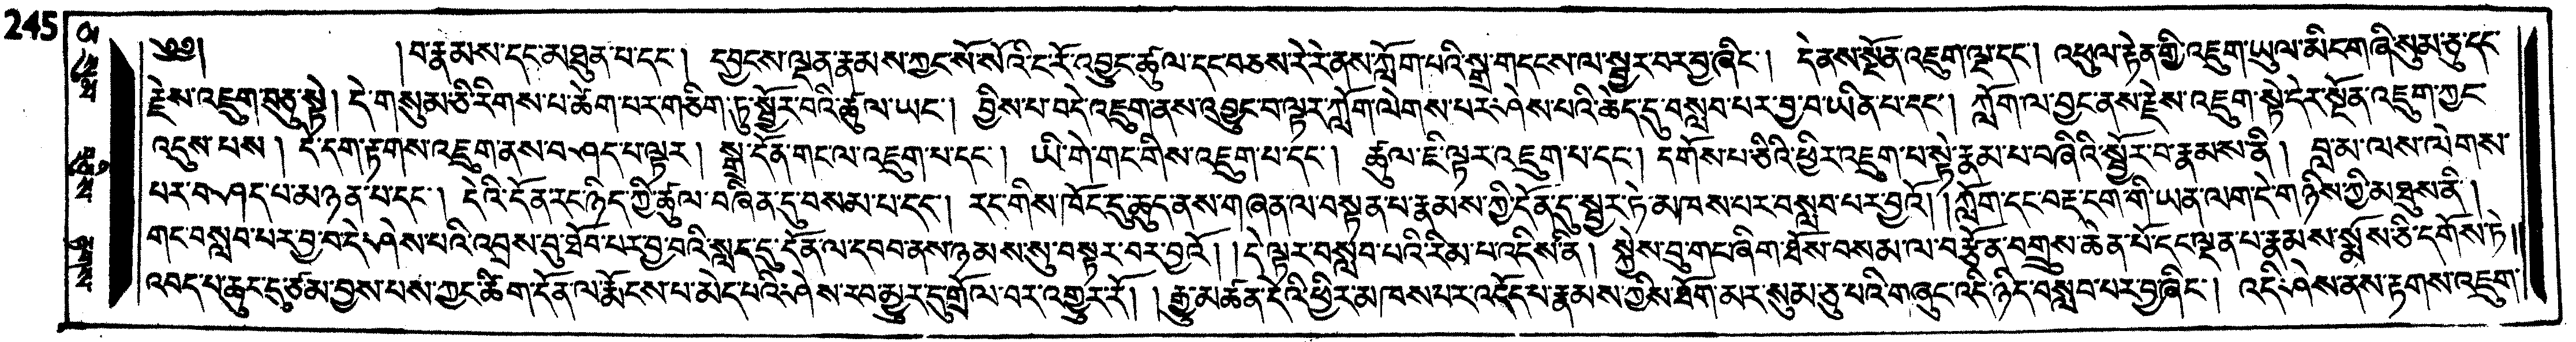༄༅། །བ་རྣམས་དང་མཐུན་པ་དང་། དབྱངས་ལྡན་རྣམས་ཀྱང་སོ་སོའི་ང་རོ་འབྱུང་ཚུལ་དང་བཅས་རེ་རེ་ནས་ཀློག་པའི་སྒྲ་གདངས་ལ་སྦྱར་བར་བྱ་ཞིང་། དེ་ནས་སྔོན་འཇུག་ལྔ་དང་། འཕུལ་རྟེན་གྱི་འཇུག་ཡུལ་མིང་གཞི་སུམ་ཅུ་དང་
རྗེས་འཇུག་བཅུ་སྟེ། དེ་གསུམ་ཅི་རིགས་པ་ཚེག་པར་གཅིག་ཏུ་སྦྱོར་བའི་ཚུལ་ཡང་། བྱིས་པ་བདེ་འཇུག་ནས་འབྱུང་བ་ལྟར་ཀློག་ལེགས་པར་ཤེས་པའི་ཆེད་དུ་བསླབ་པར་བྱ་བ་ཡིན་པ་དང་། ཀློག་ལ་བྱང་ནས་རྗེས་འཇུག་སྟེ་དེར་སྔོན་འཇུག་ཀྱང་
འདུས་པས། དེ་དག་རྟགས་འཇུག་ནས་བཤད་པ་ལྟར། སྒྲ་དོན་གང་ལ་འཇུག་པ་དང་། ཡི་གེ་གང་གིས་འཇུག་པ་དང་། ཚུལ་ཇི་ལྟར་འཇུག་པ་དང་། དགོས་པ་ཅིའི་ཕྱིར་འཇུག་པ་སྟེ་རྣམ་པ་བཞིའི་སྦྱོར་བ་རྣམས་ནི། བླ་མ་ལས་ལེགས་
པར་བཤད་པ་མཉན་པ་དང་། དེའི་དོན་རང་ཉིད་ཀྱི་ཚུལ་བཞིན་དུ་བསམ་པ་དང་། རང་གི་ཁོང་དུ་ཆུད་ནས་གཞན་ལ་བསྟན་པ་རྣམས་ཀྱི་དོན་དུ་སྦྱར་ཏེ་མཁས་པར་བསླབ་པར་བྱའོ། །ཀློག་དང་བརྡ་ངག་གི་ཡན་ལག་དེ་གཉིས་ཀྱི་མཐུས་ནི།
གང་བསླབ་པར་བྱ་བ་དེ་ཤེས་པའི་འབྲས་བུ་ཐོབ་པར་བྱ་བའི་སླད་དུ་དོན་ལ་དབབ་ནས་ཉམས་སུ་བསྟར་བར་བྱའོ། །དེ་ལྟར་བསླབ་པའི་རིམ་པ་འདིས་ནི། སྐྱེས་བུ་གང་ཞིག་ཐོས་བསམ་ལ་བརྩོན་བགྲུས་ཆེན་པོ་དང་ལྡན་པ་རྣམས་སྨོས་ཅི་དགོས་ཏེ།
འབད་པ་ཆུང་དུ་ཙམ་བྱས་པས་ཀྱང་ཚིག་དོན་ལ་རྨོངས་པ་མེད་པའི་ཤེས་རབ་མྱུར་དུ་གྲོལ་བར་འགྱུར་རོ། །རྒྱུ་མཚན་དེའི་ཕྱིར་མཁས་པར་འདོད་པར་རྣམས་ཀྱིས་ཐོག་མར་སུམ་ཅུ་པའི་གཞུང་འདི་ཉིད་བསླབ་པར་བྱ་ཞིང་། འདི་ཤེས་ནས་རྟགས་འཇུག་